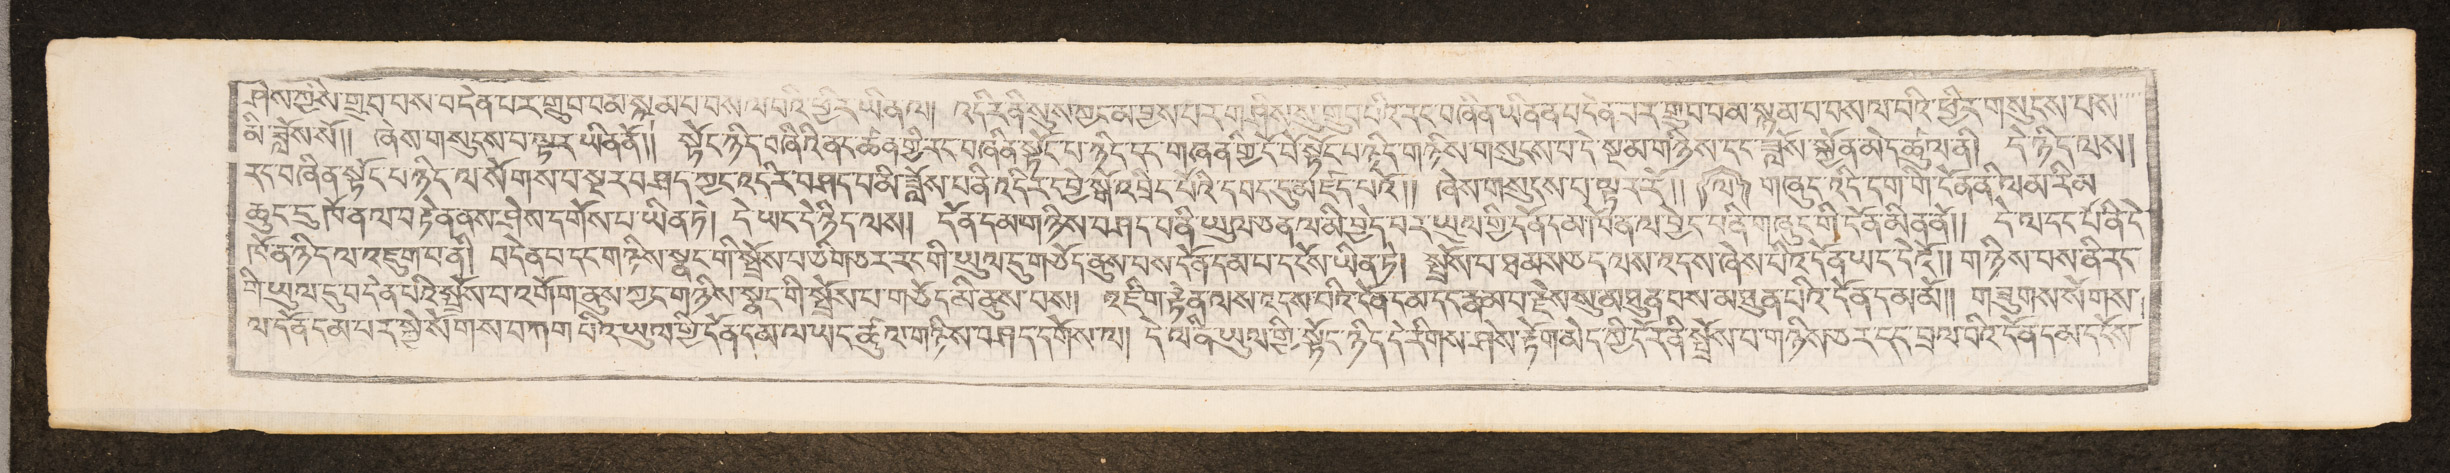ཤེས་ཀྱིས་གྲུབ་པས་བདེན་པར་གྲུབ་བམ་སྙམ་བ་བསལ་བའི་ཕྱིར་ཡིན་ལ། འདིར་ནི་སུས་ཀྱང་མ་བྱས་པར་གཤིས་སུ་གྲུབ་བའི་རང་བཞིན་ཡིན་ན་བདེན་པར་གྲུབ་བམ་སྙམ་པ་བསལ་བའི་ཕྱིར་གསུངས་པས་
མི་ཟློས་སོ། །ཞེས་གསུངས་པ་ལྟར་ཡིན་ནོ།། སྟོང་ཉིད་བཞིའི་ནང་ཚན་གྱི་རང་བཞིན་སྟོང་པ་ཉིད་དང་གཞན་གྱི་ངོ་བོ་སྟོང་པ་ཉིད་གཉིས་གསུངས་པ་དེ་སྔ་མ་གཉིས་དང་ཟློས་སྐྱོན་མེད་ཚུལ་ནི། དེ་ཉིད་ལས།
རང་བཞིན་སྟོང་པ་ཉིད་ལ་སོགས་པ་བསྔར་བཤད་ཀྱང་འདིར་བཤད་པ་མི་ཟློས་པ་ནི་འདིར་དབྱེ་སྒོ་འབྲིང་པོའི་དབང་དུ་མཛད་པའོ། །ཞེས་གསུངས་པ་ལྟར་རོ།། ༼༽ལ༼༽ གཞུང་འདི་དག་གི་དོན་ནི་ལམ་རིམ་
ཆུང་དུ་ཁོ་ན་ལ་བརྟེན་ནས་ཤེས་དགོས་པ་ཡིན་ཏེ། དེ་ཡང་དེ་ཉིད་ལས། དོན་དམ་གཉིས་བཤད་པ་ནི་ཡུལ་ཅན་ལ་མི་བྱེད་པར་ཡུལ་གྱི་དོན་དམ་ཁོ་ན་ལ་བྱེད་པ་ནི་གཞུང་གི་དོན་མི་ནོ། །དེ་ལ་དང་པོ་ནི་དེ་
ཁོ་ན་ཉིད་ལ་འཇུག་པ་ནི། བདེན་པ་དང་གཉིས་སྣང་གི་སྤྲོས་པ་ཅིག་ཅར་རང་གི་ཡུལ་དུ་གཅོད་ནུས་པས་དོན་དམ་པ་དངོས་ཡིན་ཏེ། སྤྲོས་པ་ཐམས་ཅད་ལས་འདས་ཞེས་པའི་དོན་ཡང་དེའོ།། གཉིས་པས་ནི་རང་
གི་ཡུལ་དུ་བདེན་པའི་སྤྲོས་པ་འགོག་ནུས་ཀྱང་གཉིས་སྣང་གི་སྦྲོས་པ་གཅོད་མི་ནུས་པས། འཇིག་རྟེན་ལས་འདས་པའི་དོན་དམ་དང་རྣམ་པ་རྗེས་སུ་མཐུན་པས་མཐུན་པའི་དོན་དམ་མོ། །གཟུགས་སོགས་
ལ་དོན་དམ་པར་སྐྱེ་སོགས་བཀག་པའི་ཡུལ་གྱི་དོན་དམ་ལ་ཡང་ཚུལ་གཉིས་བཤད་དགོས་ལ། དེ་ལ་ནི་ཡུལ་གྱི་སྟོང་ཉིད་དེ་རིགས་ཤེས་རྟོག་མེད་ཀྱི་དོར་ནི་སྤྲོས་པ་གཉིས་ཅར་དང་བྲལ་བའི་དོན་དམ་དངོས་